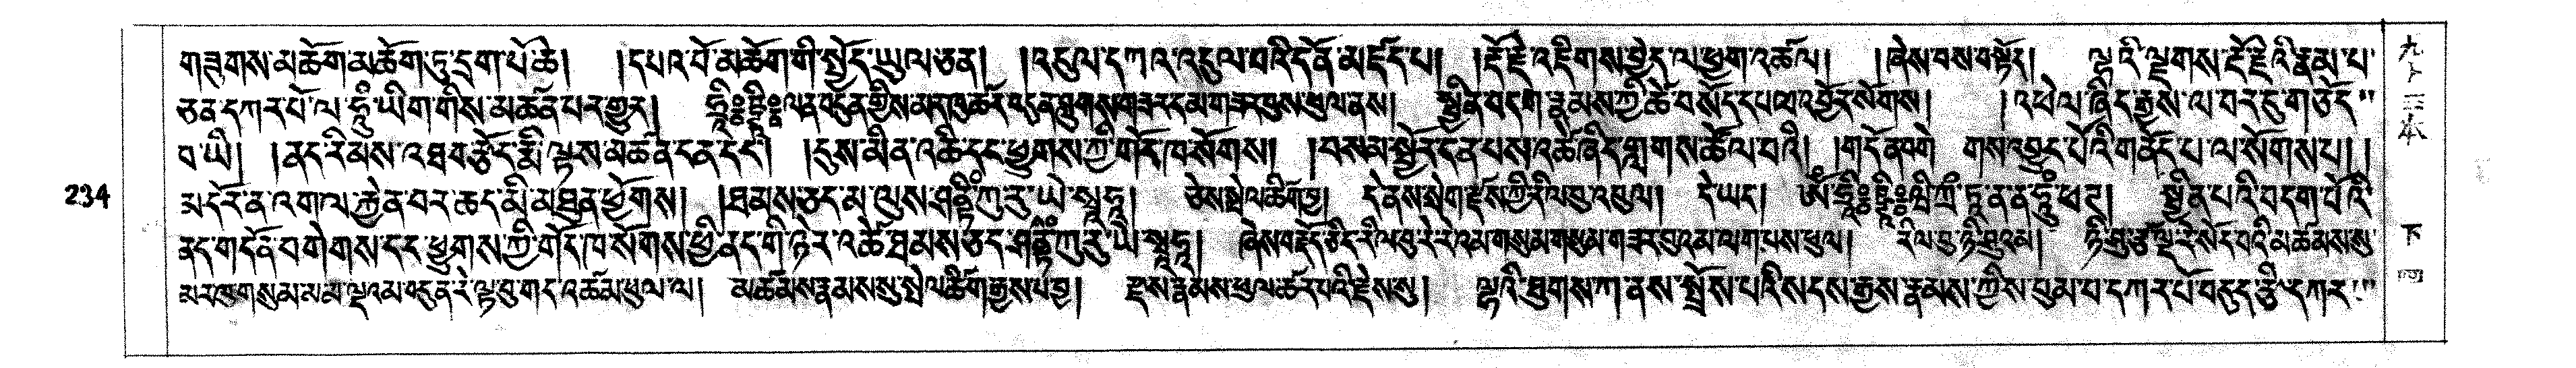གཟུགས་མཆོག་མཆོག་ཏུ་དྲག་པོ་ཆེ། །དཔའ་པོ་མཆོག་གི་སྤྱོད་ཡུལ་ཅན། །འདུལ་དཀའ་འདུལ་བའི་དོན་མཛད་པ། །རྡོ་རྗེ་འཇིགས་བྱེད་ལ་ཕྱག་འཚལ། །ཞེས་བས་བསྟོད། ལྷའི་ལྗགས་རྡོ་རྗེའི་རྣམ་པ་
ཅན་དཀར་པོ་ལ་ཧཱུཾ་ཡིག་གིས་མཚན་པར་གྱུར། ཧྲཱིཿ་ཥྚཱིཿ་ལན་བདུན་གྱིས་མར་ཁུ་ཚར་བདུན་བླུགས་གཟར་དམ་གཟར་བུས་ཕུལ་ནས། སྦྱིན་བདག་རྣམས་ཀྱི་ཚེ་བསོད་དཔལ་འབྱོར་སོགས། །འཕེལ་ཞིང་རྒྱས་ལ་བར་དུ་གཅོད་
པ་ཡི། །ནད་རིམས་འཐབ་རྩོད་རྨི་ལྟས་མཚན་ངན་དང་། །དུས་མིན་འཆི་དང་ཕྱུགས་ཀྱི་གོང་ཁ་སོགས། །བསམ་སྦྱོར་ངན་པས་འཚེ་ཞིང་གླགས་ཚོལ་བའི། །གདོན་བགེགས་འབྱུང་པོའི་གནོད་པ་ལ་སོགས་པ། །
མདོར་ན་འགལ་རྐྱེན་བར་ཆད་མི་མཐུན་ཕྱོགས། །ཐམས་ཅད་མ་ལུས་ཤནྟིཾ་ཀུ་རུ་ཡེ་སྭཱཧཱ། ཅེས་སྤེལ་ཚིག་བྱ། དེ་ནས་སྲེག་རྫས་ཀྱི་རིལ་བུ་འབུལ། དེ་ཡང་། ཨོཾ་ཧྲཱིཿ་ཥྚཱིཿ་ཝི་ཀྲྀ་ཏཱ་ན་ན་ཧཱུཾ་ཕཊ། སྦྱིན་པའི་བདག་པོའི་
ནད་གདོན་བགེགས་དང་ཕྱུགས་ཀྱི་གོང་ཁ་སོགས་ཕྱི་ནད་གི་ཉེར་འཚེ་ཐམས་ཅད་ཤནྟིཾ་ཀུ་རུ་ཡེ་སྭཱཧཱ། ཞེས་བརྗོད་ཅིང་རིལ་བུ་རེ་རེ་འམ་གསུམ་གསུམ་གཟར་བུ་འམ་ལག་པས་ཕུལ། རིལ་བུ་ཉི་ཤུའམ། ཉི་ཤུ་རྩ་ལྔ་རེ་སོང་བའི་མཚམས་སུ་
མར་ཁུ་གསུམ་མ་མ་ལྔའམ་བདུན་རེ་ལྟ་བུ་གང་འཚམ་ཕུལ་ལ། མཚམས་རྣམས་སུ་སྤེལ་ཚིག་རྒྱས་པ་བྱ། རྫས་རྣམས་ཕུལ་ཚར་པའི་རྗེས་སུ། ལྷའི་ཐུགས་ཀ་ནས་སྤྲོས་པའི་སངས་རྒྱས་རྣམས་ཀྱིས་བུམ་པ་དཀར་པོ་བདུད་རྩི་དཀར་